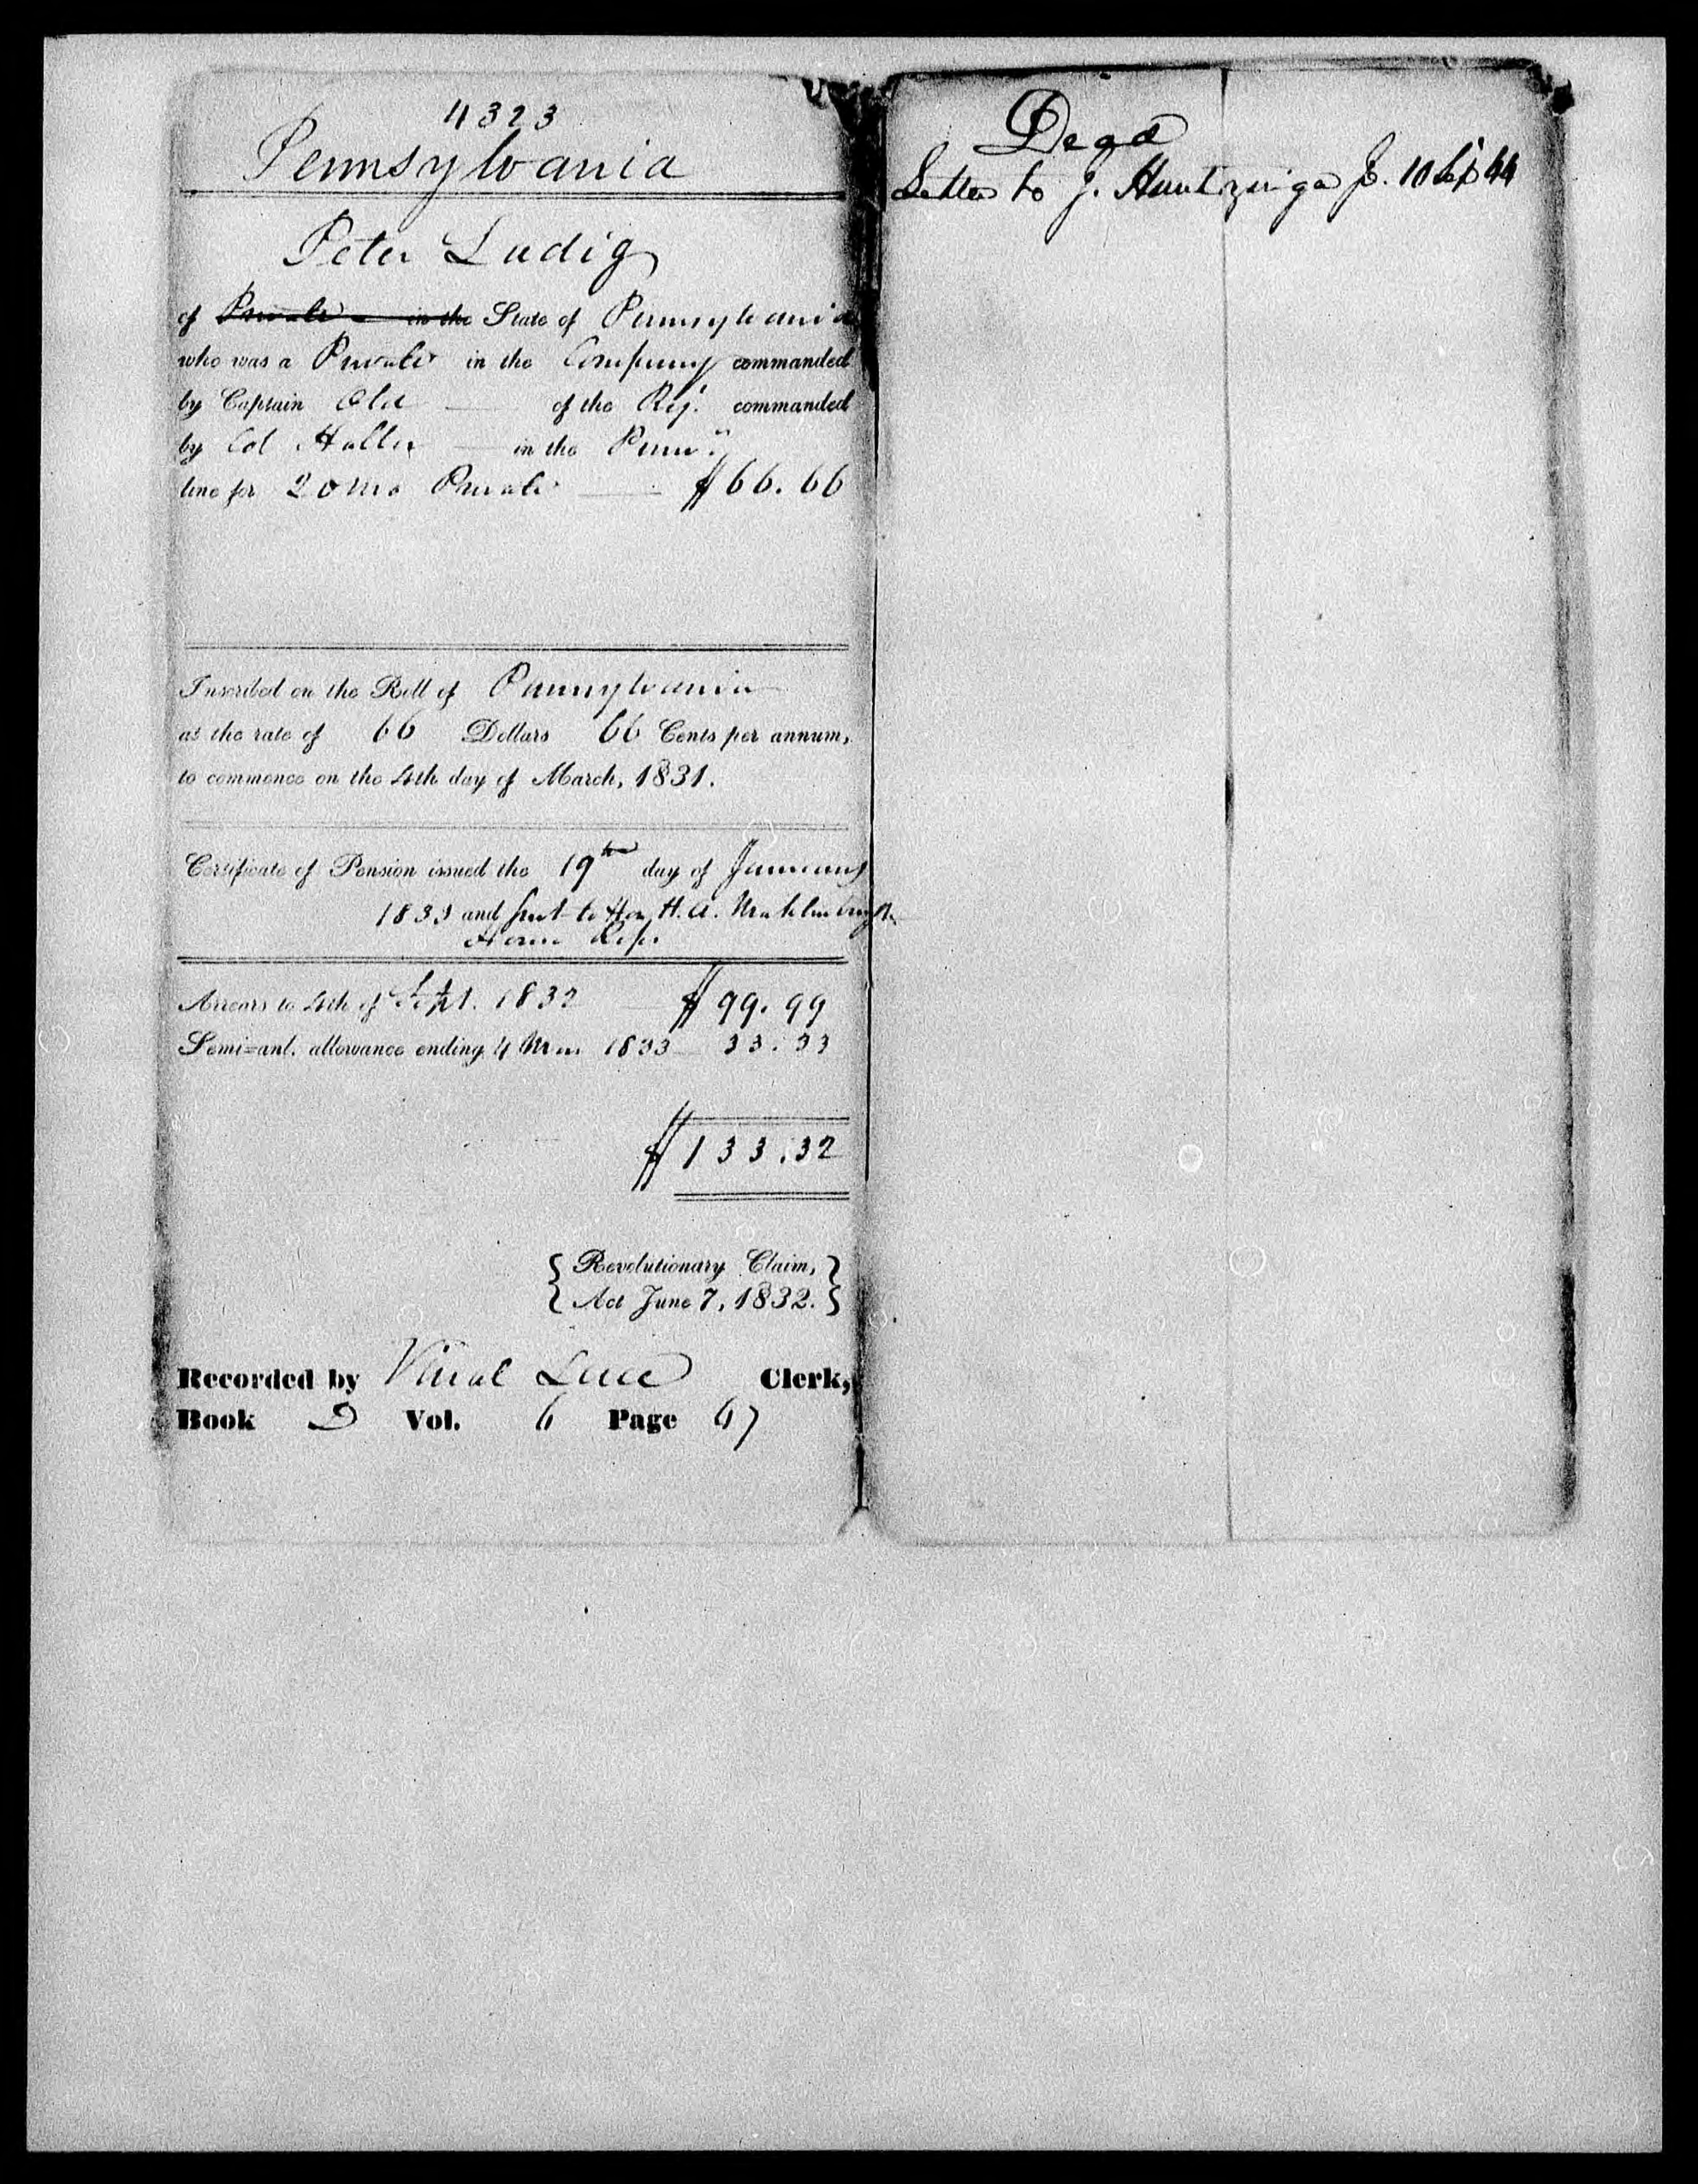4323
Pennsylvania
Peter Ladig
of State of Pennsylvania
who was a Private in the Company commanded
by Captain Ola - of the Regt commanded
by Col Haller in the Penn.
line for 20 mo. Private
$66.66
Inscribed on the Roll of Pennsylvania
as the rate of 66 Dollars 66 Cents per annum,
to commence on the 4th day of March, 1831.

Certificate of Pension issued the 19th day of January
1833 and put to Hon, H. A. Muhlenburg
House Rep.
Arrears to 4th of Sept. 1832
$99.99
Semi-anl allowance ending 4 Mar 1833 33.33
$133.32 ┃

Revolutionary Claim,
Act June 7, 1832

Recorded by Viral Luce Clerk
Book D, Vol. 6 Page 47

Dead
Letter to J. Hunting J. 10 Sep '44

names: Peter Ladig; [BLANK] Old; Vinal Luce; J Huntzinger; [BLANK] Haller; H A Muhlenberg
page: 2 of 17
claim: survivor's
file: S. 4499, for Peter Ladig, Pennsylvania